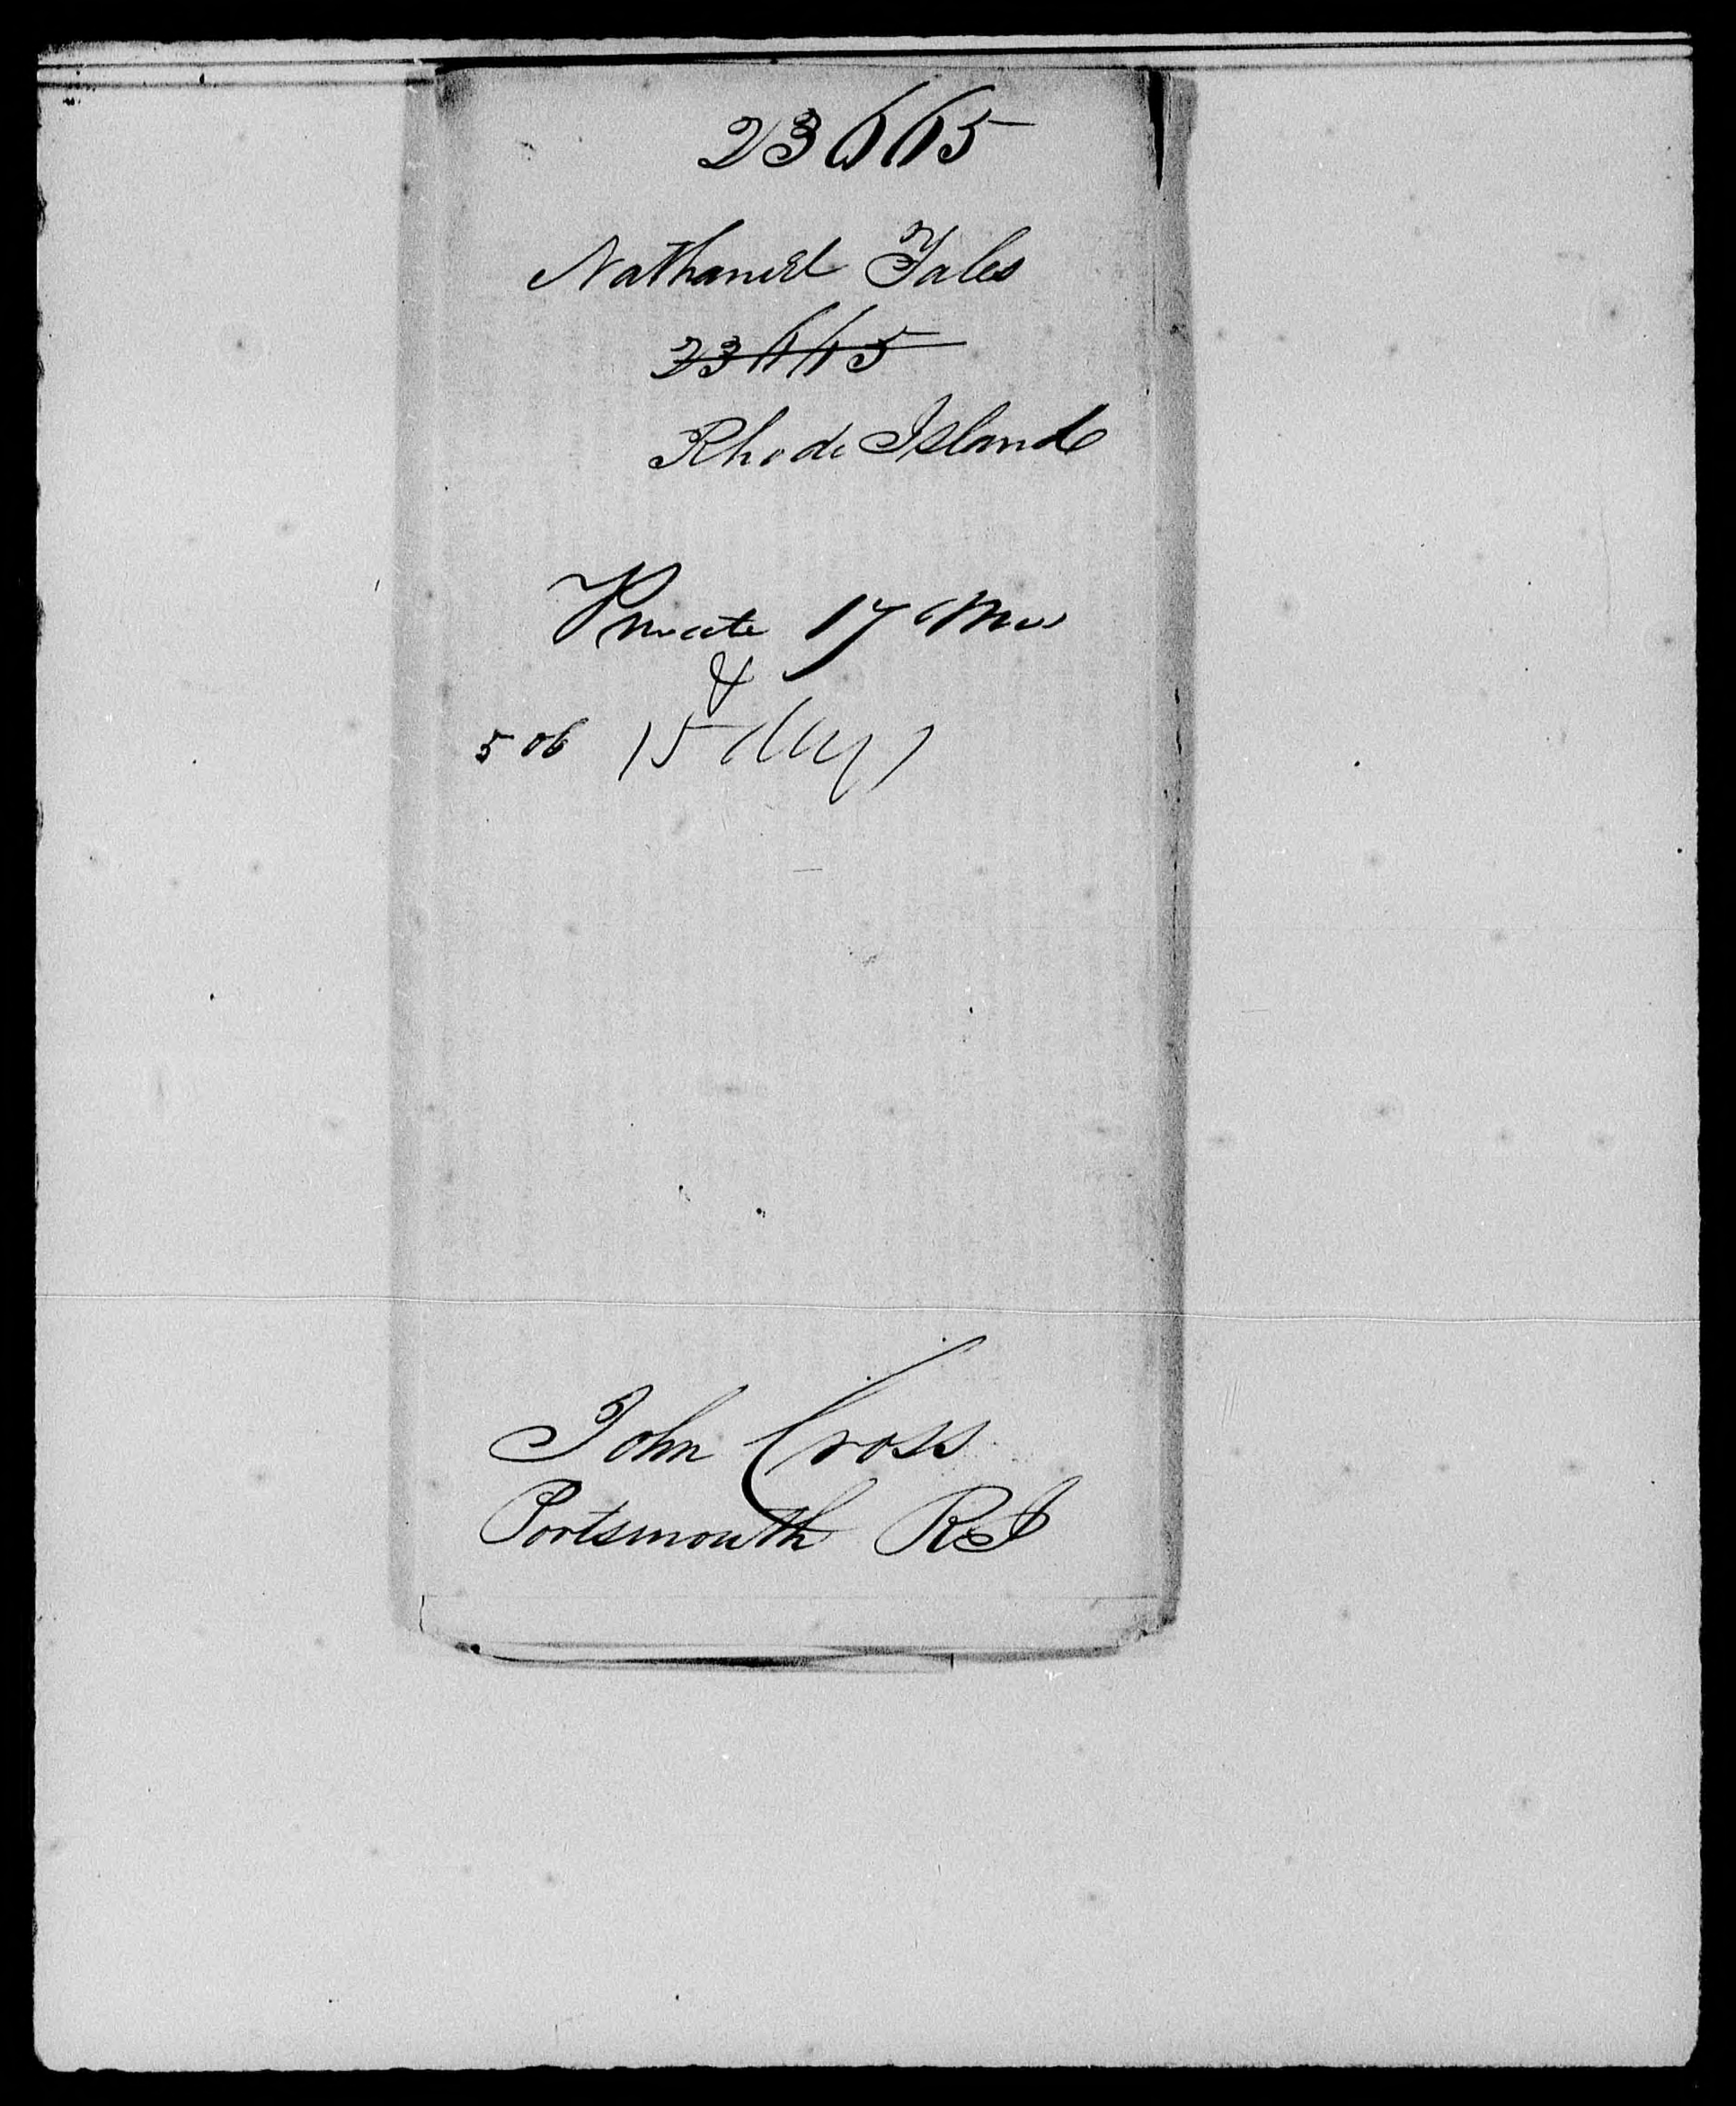23665
Nathaniel Fales
23665 [crossed out]
Rhode Island

Private 17 War [?]
&
506 15 Aug [?]

John Cross
Portsmouth RI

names: Nathaniel Fales, John Cross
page: 7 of 32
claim: widow's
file: W. 24,173, Nathaniel Fales, R.I.